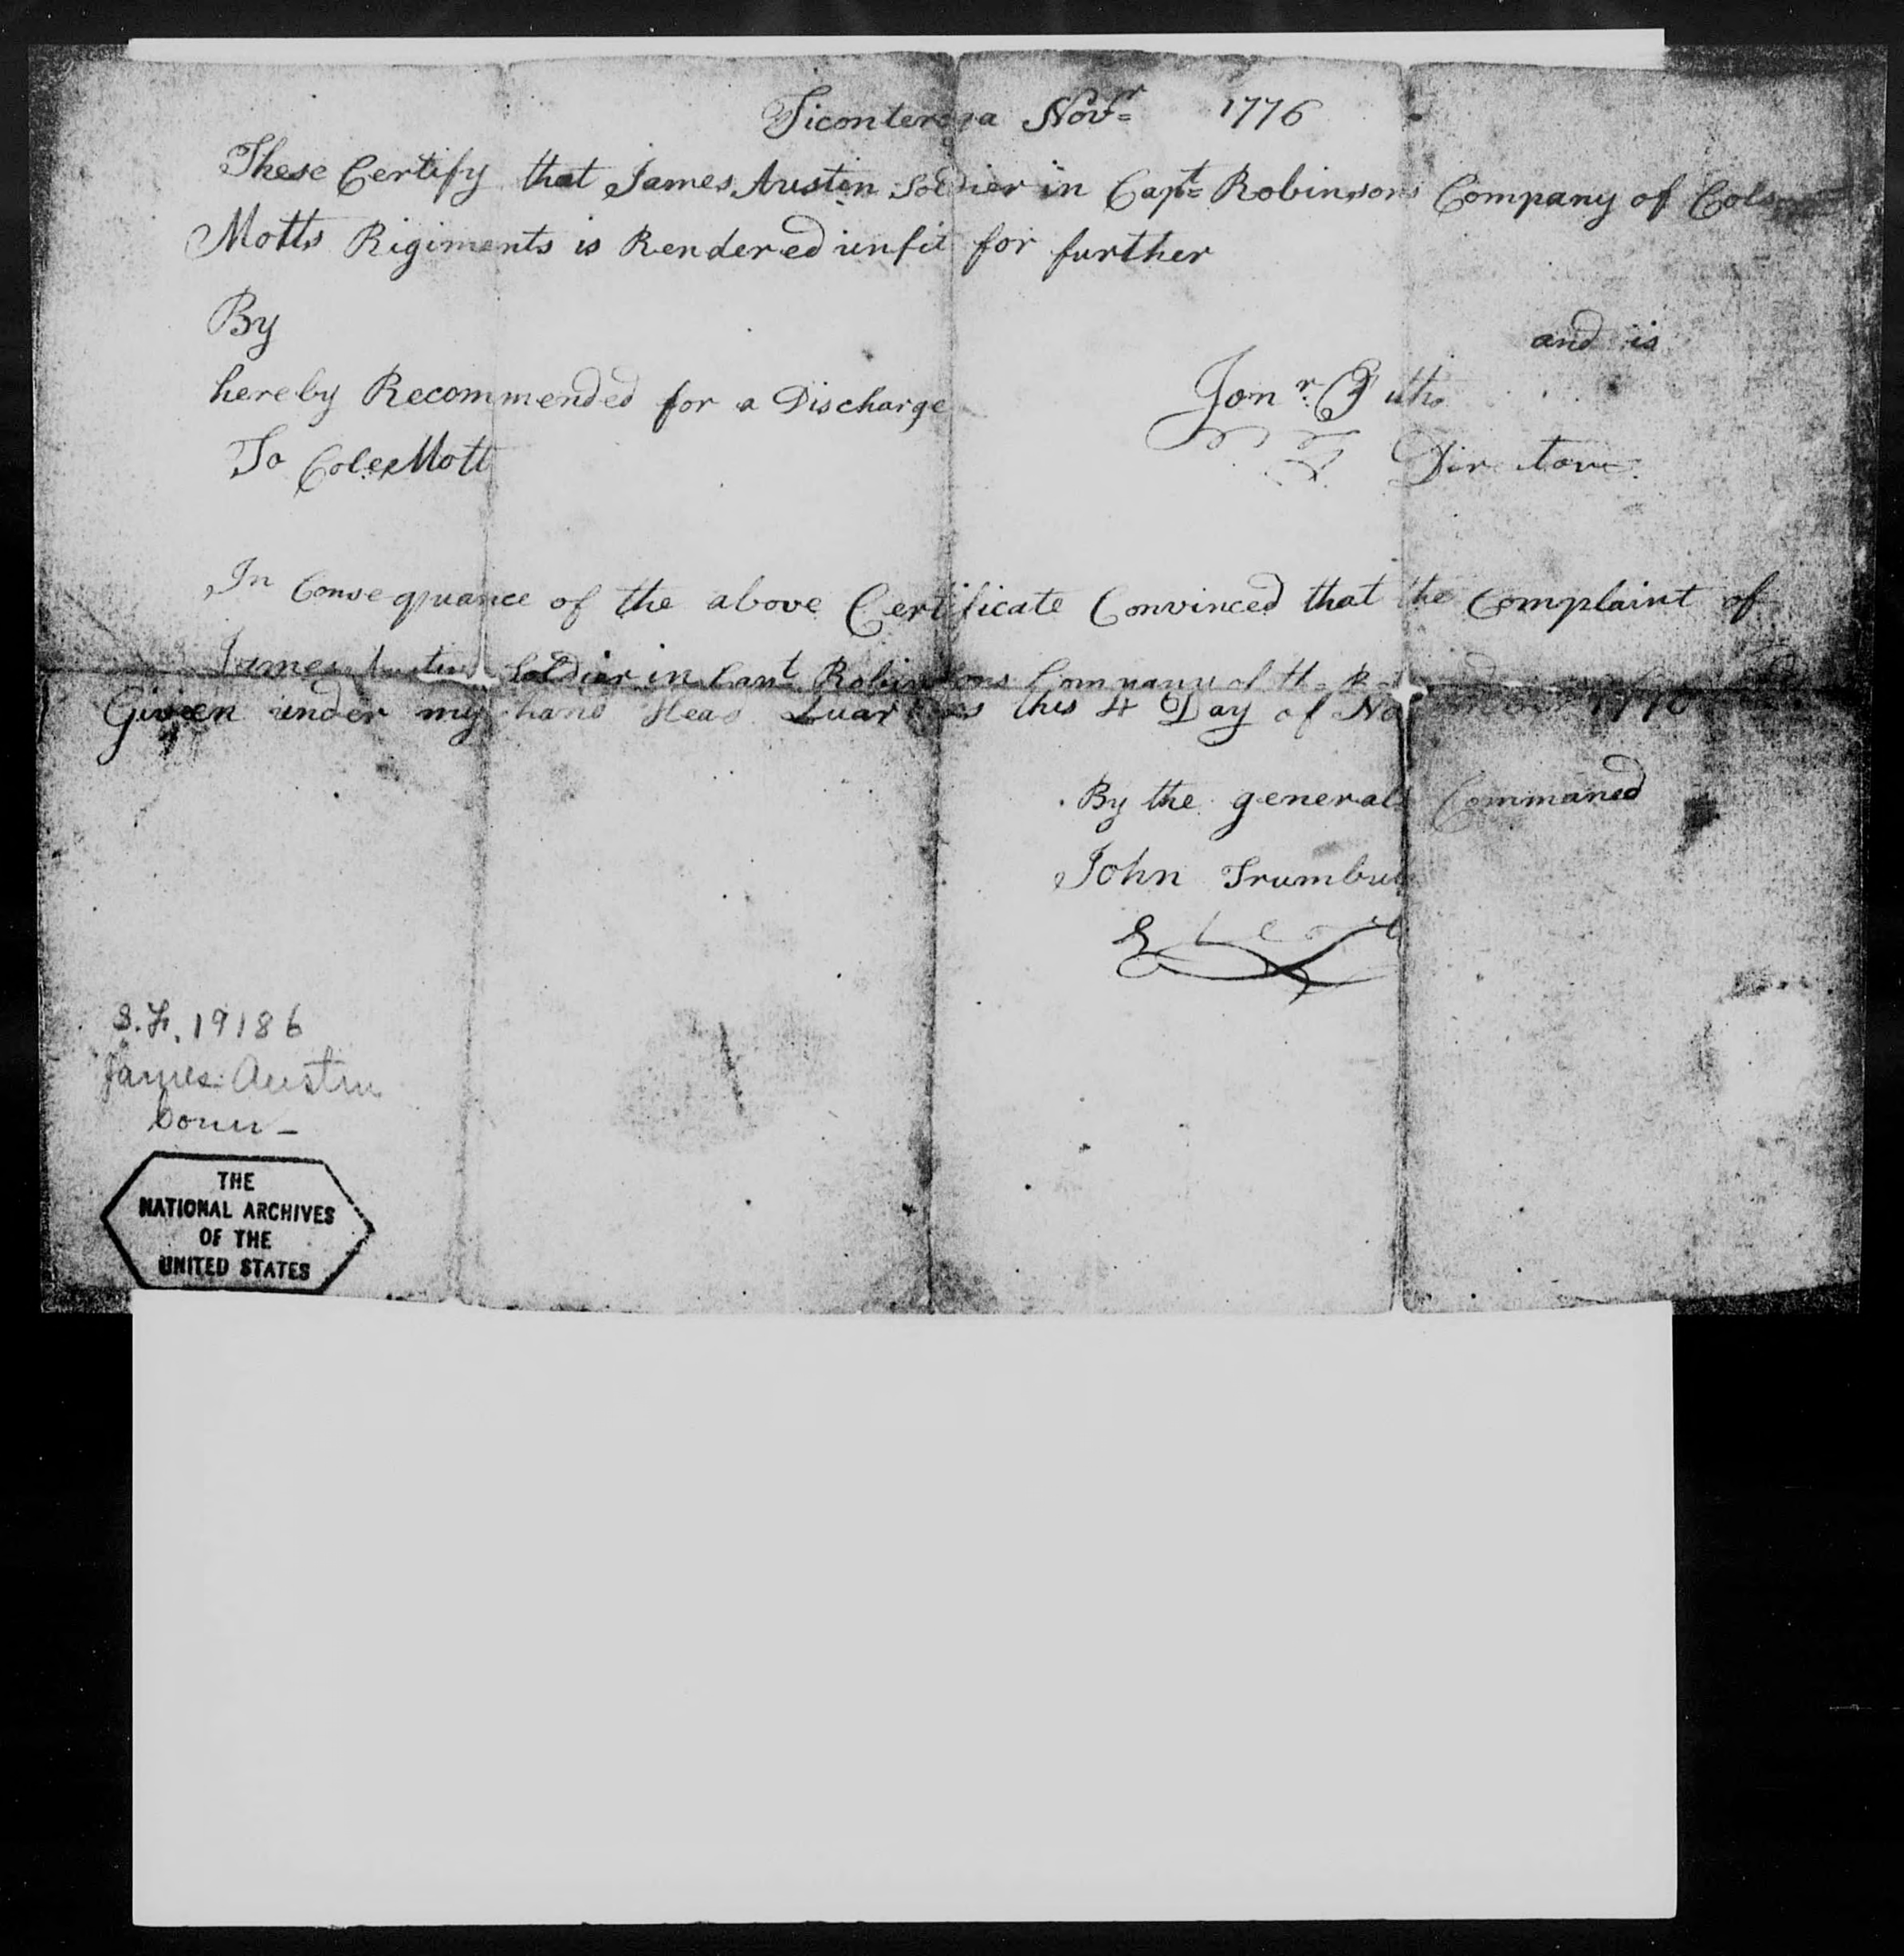Ticonderoga Fort 1776
These Certify that James Austin soldier in Capt Robinsons Company of Col. Motts Regiments is rendered unfit for further 
by and is
hereby recommended for a discharge to Col. Mott
In consequence of the above certificate convinced that the complaint of James Austin soldier in Capt Robinsons company of the [illegible] given under my hand [illegible] this 4th day of November 1776
By the general command 
John Trumbull
S. Fi. 19186
James Austin
Conn - 
The National Archives of the United States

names: James Austin, James Austin, James Austin, John Trumbule, Jonn, Robinson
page: 43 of 100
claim: survivor's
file: S 19186, James Austin, Conn. New York R.I.